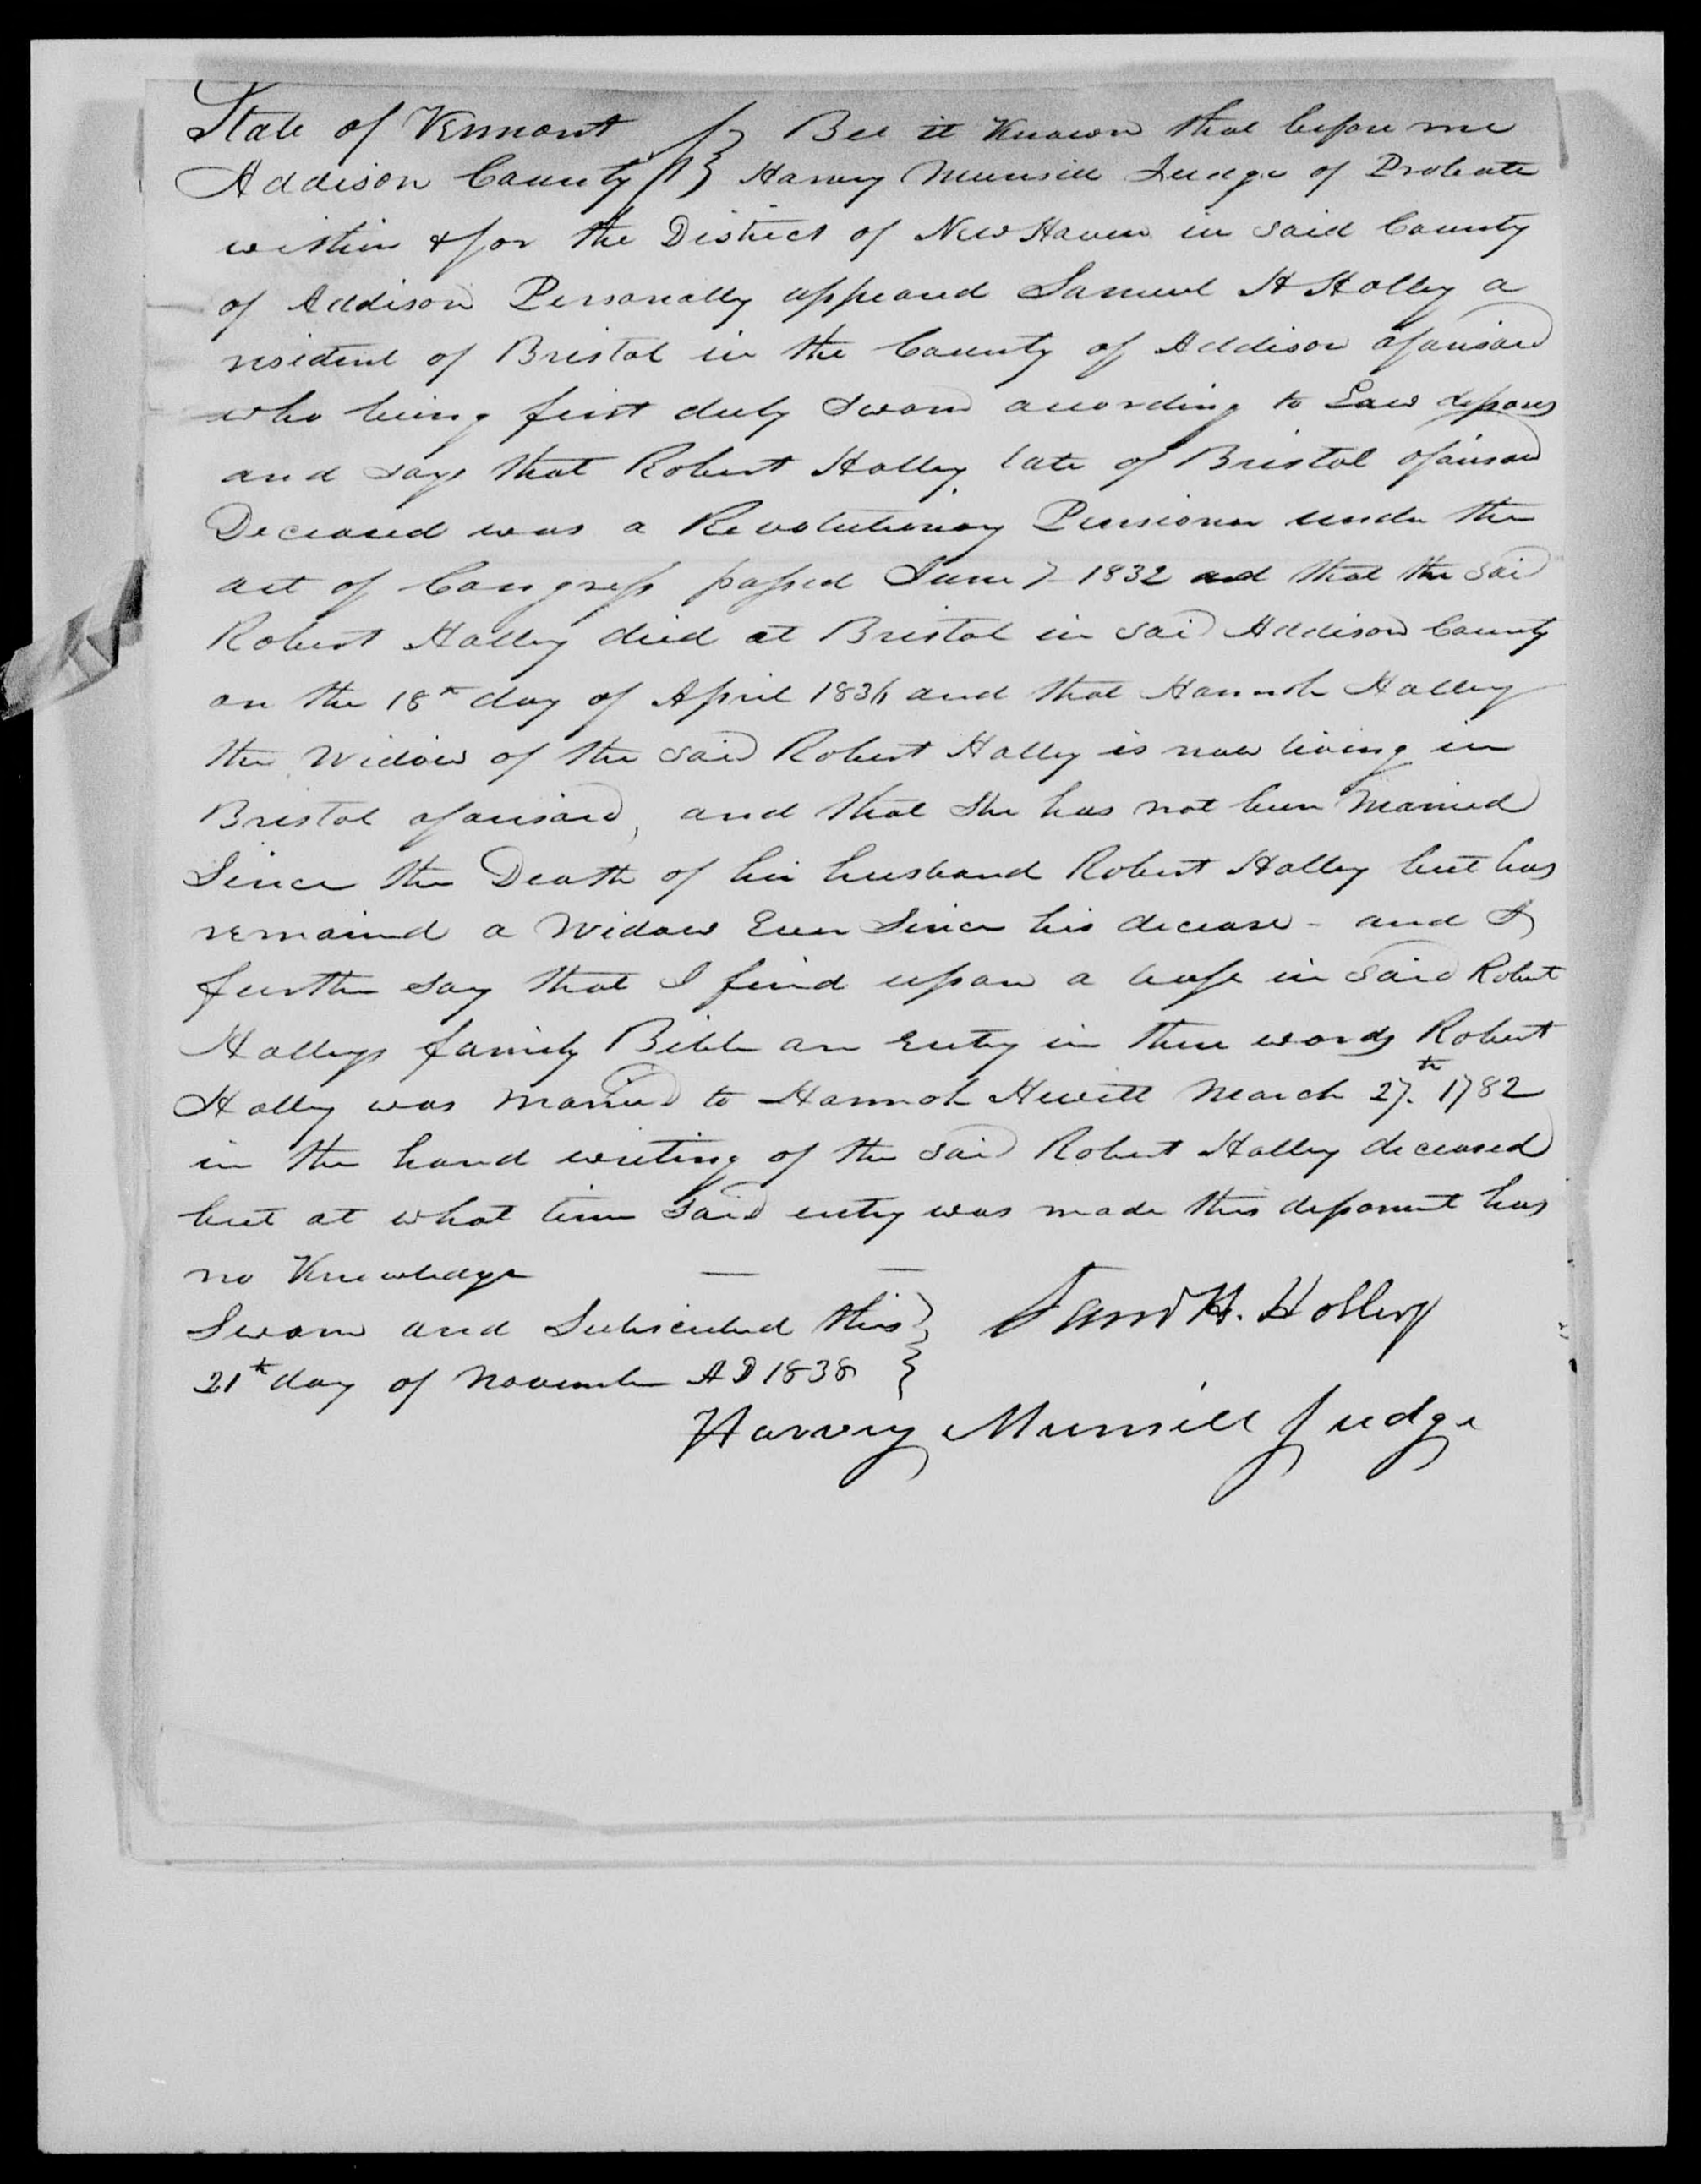State of Vermont
Addison County
Be it Known that before me Harvey Munsill Judge of Probate within & for the District of New Haven in said County of Addison Personally appeared Samuel H Holley a
resident of Bristol in the County of Addison aforesaid who being first duly sworn according to Law deposes and says that Robert Holley late of Bristol aforesaid
Deceased was a Revolutionary Pensioner under the act of Congress passed June 7 1832 and that the said Robert Holley died at Bristol in said Addison County on the 18th day of April 1836 and that Hannah Holley the widow of the said Robert Holley is now living in Bristol aforesaid, and that she has not been married since the death of his husband Robert Holley but has remained a widow ever since his decease and further say that I find upon a leaf in said Robert Holleys family Bible an entry in these words Robert Holley was married to Hannah Howell March 27, 1782
in the hand writing of the said Robert Holley deceased but at what time said entry was made this deponent has no knowledge
Sam H. Holley
Sworn and subscribed this 
21st day of November AD 1838
Harvey Munsill Judge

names: Samuel H Halley, Robert Halley, Robert Halley, Robert Halley, Robert Halley, Hannah Hewitt, Harvey Munsill, Sam H Holley, Harvey Munsill, Robert Halley, Robert Halley, Robert Halley, Robert Halley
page: 12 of 62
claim: widow's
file: W. 21391, Robert Holley, Conn.